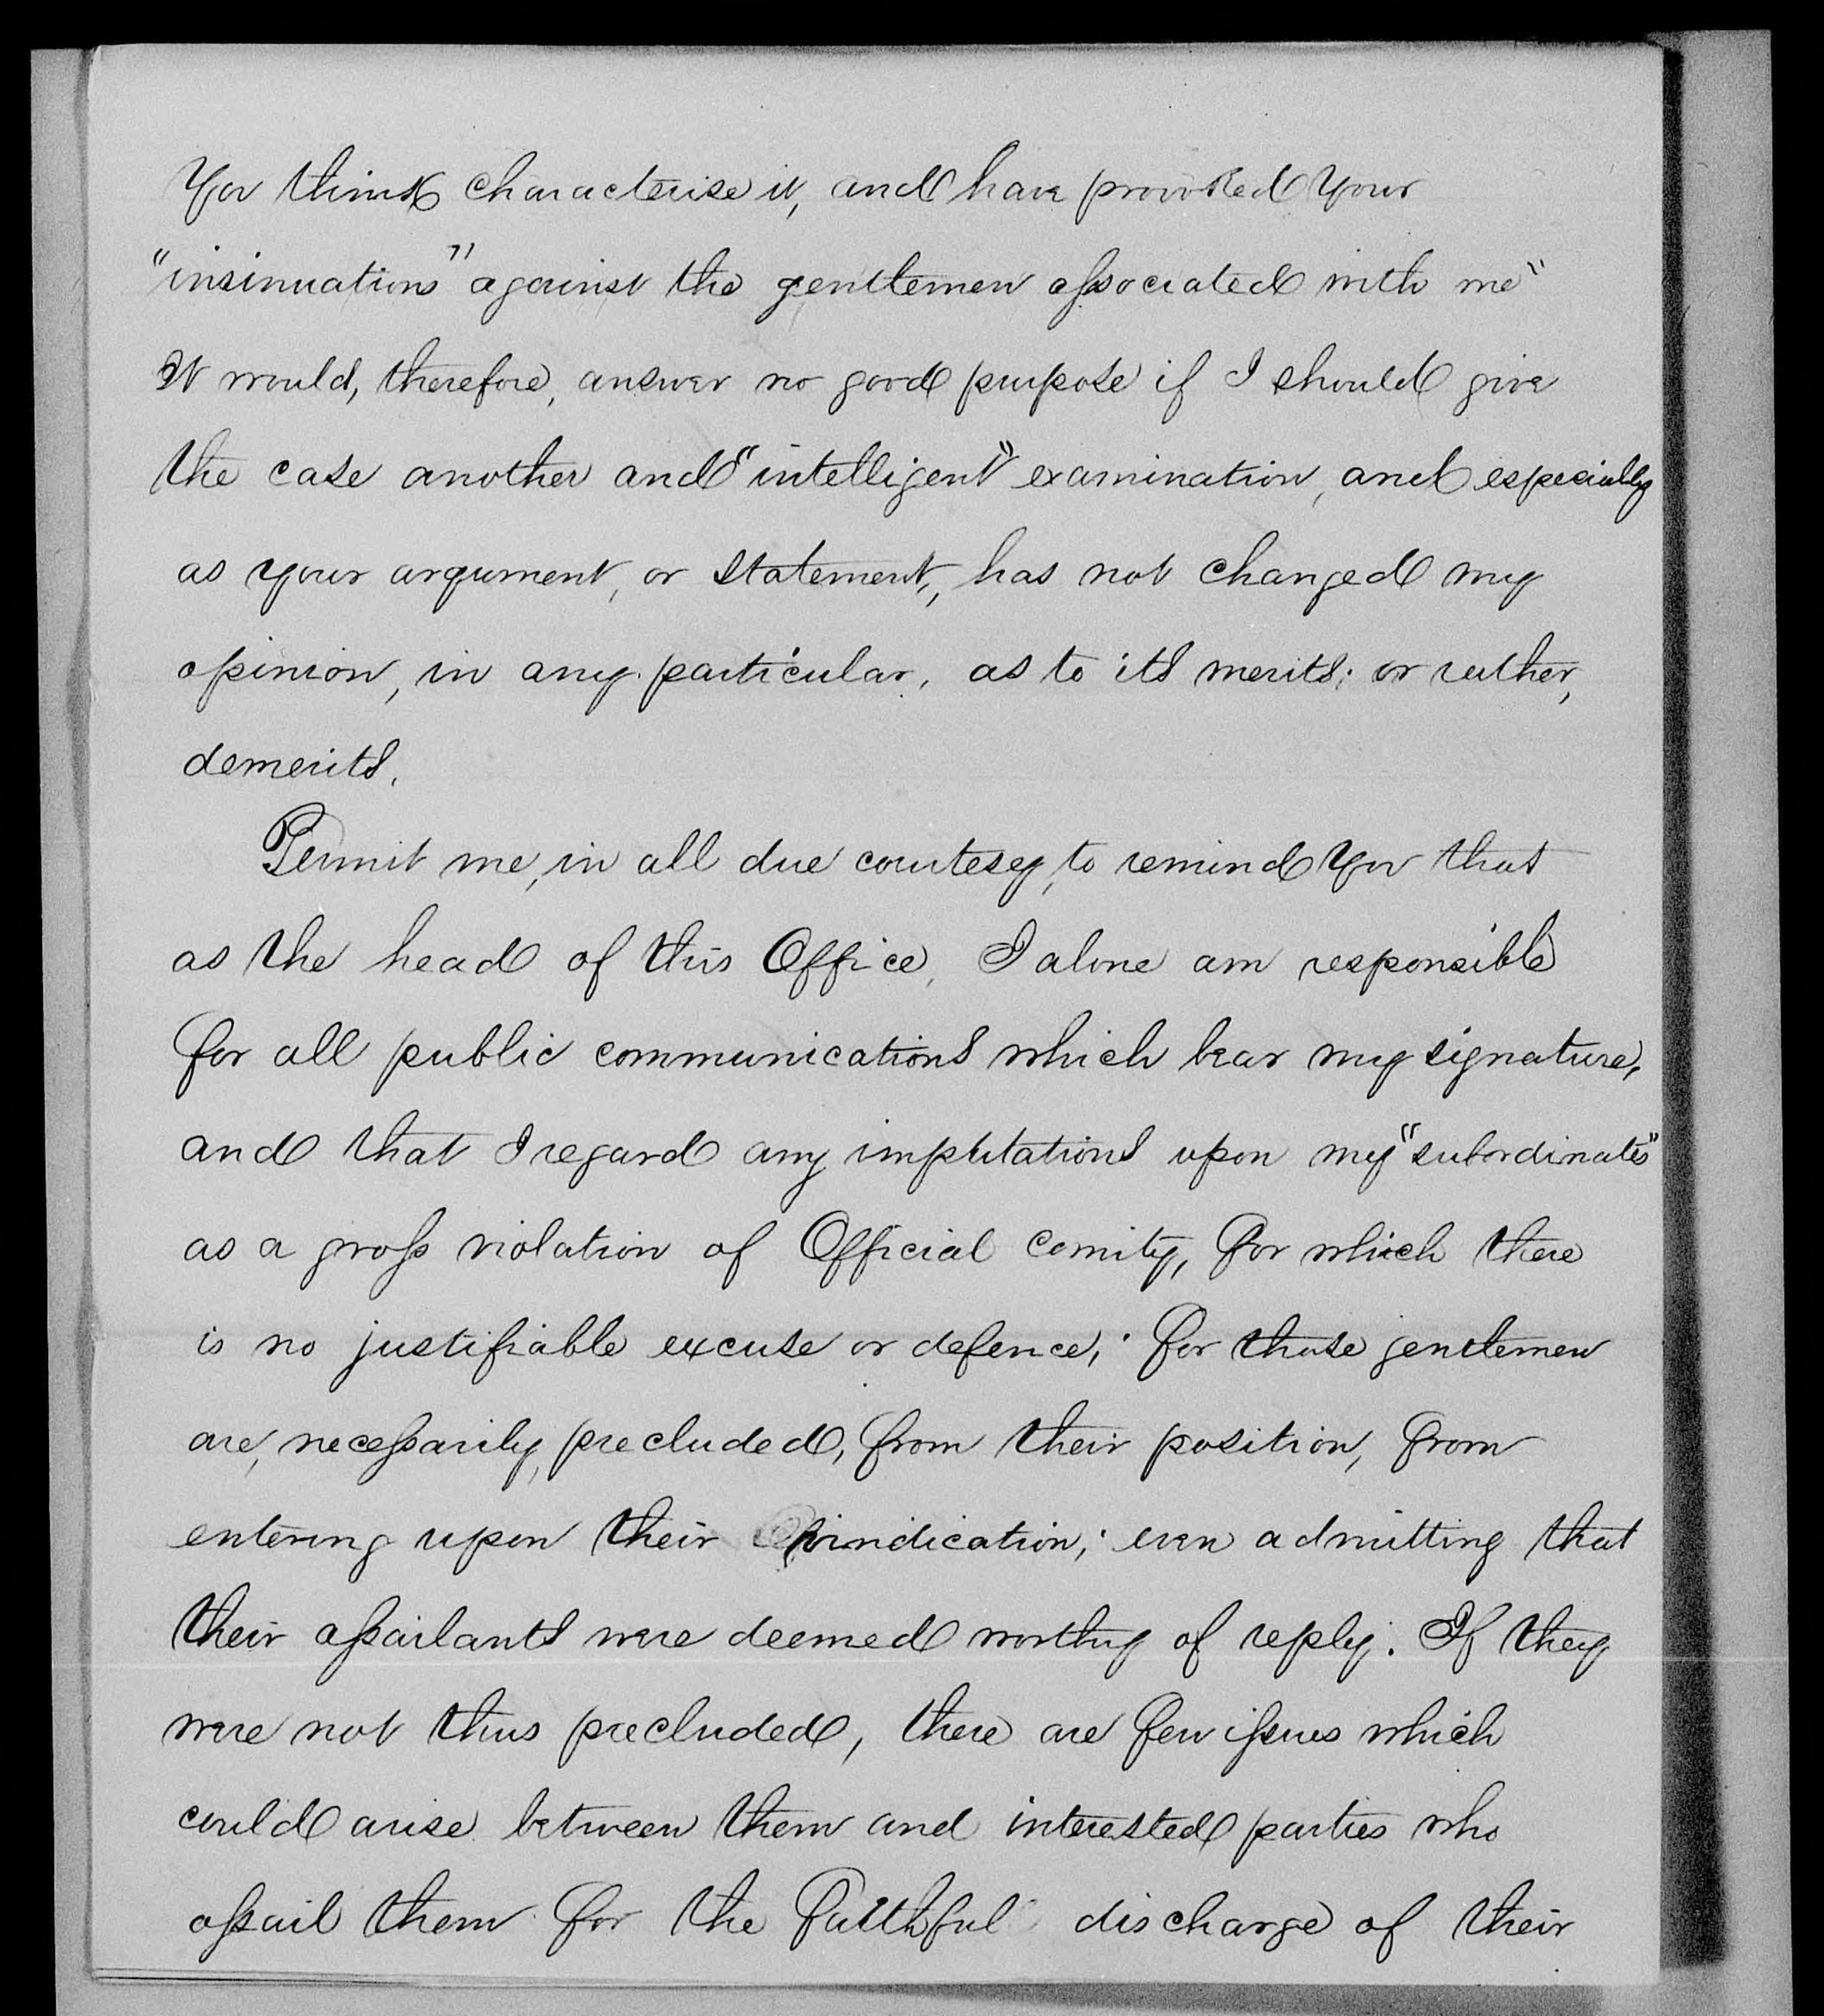...you think characterize it, and have provoked your "insinuations" against the gentlemen associated with me."

We would, therefore, answer no good purpose if I should give the case another and "intelligent" examination and especially as your argument or statement, has not charged my opinion in any particular as to its merits, or rather dements.

Permit me, in all due courtesy, to remind you that as the head of this office, I alone am responsible for all public communications which bear my signature and that I regard any imputations upon my "subordinates" as a gross violation of official comity, for which there is no justifiable excuse or defense. For those gentlemen are necessarily precluded from their position from entering upon their indication, even admitting that their assailants were deemed worthy of reply. If they were not thus precluded, there are few issues which could arise between them and interested parties who assail them for the faithful discharge of their...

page: 52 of 95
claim: survivor's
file: S 2889, for Levi Mundy, New Jersey